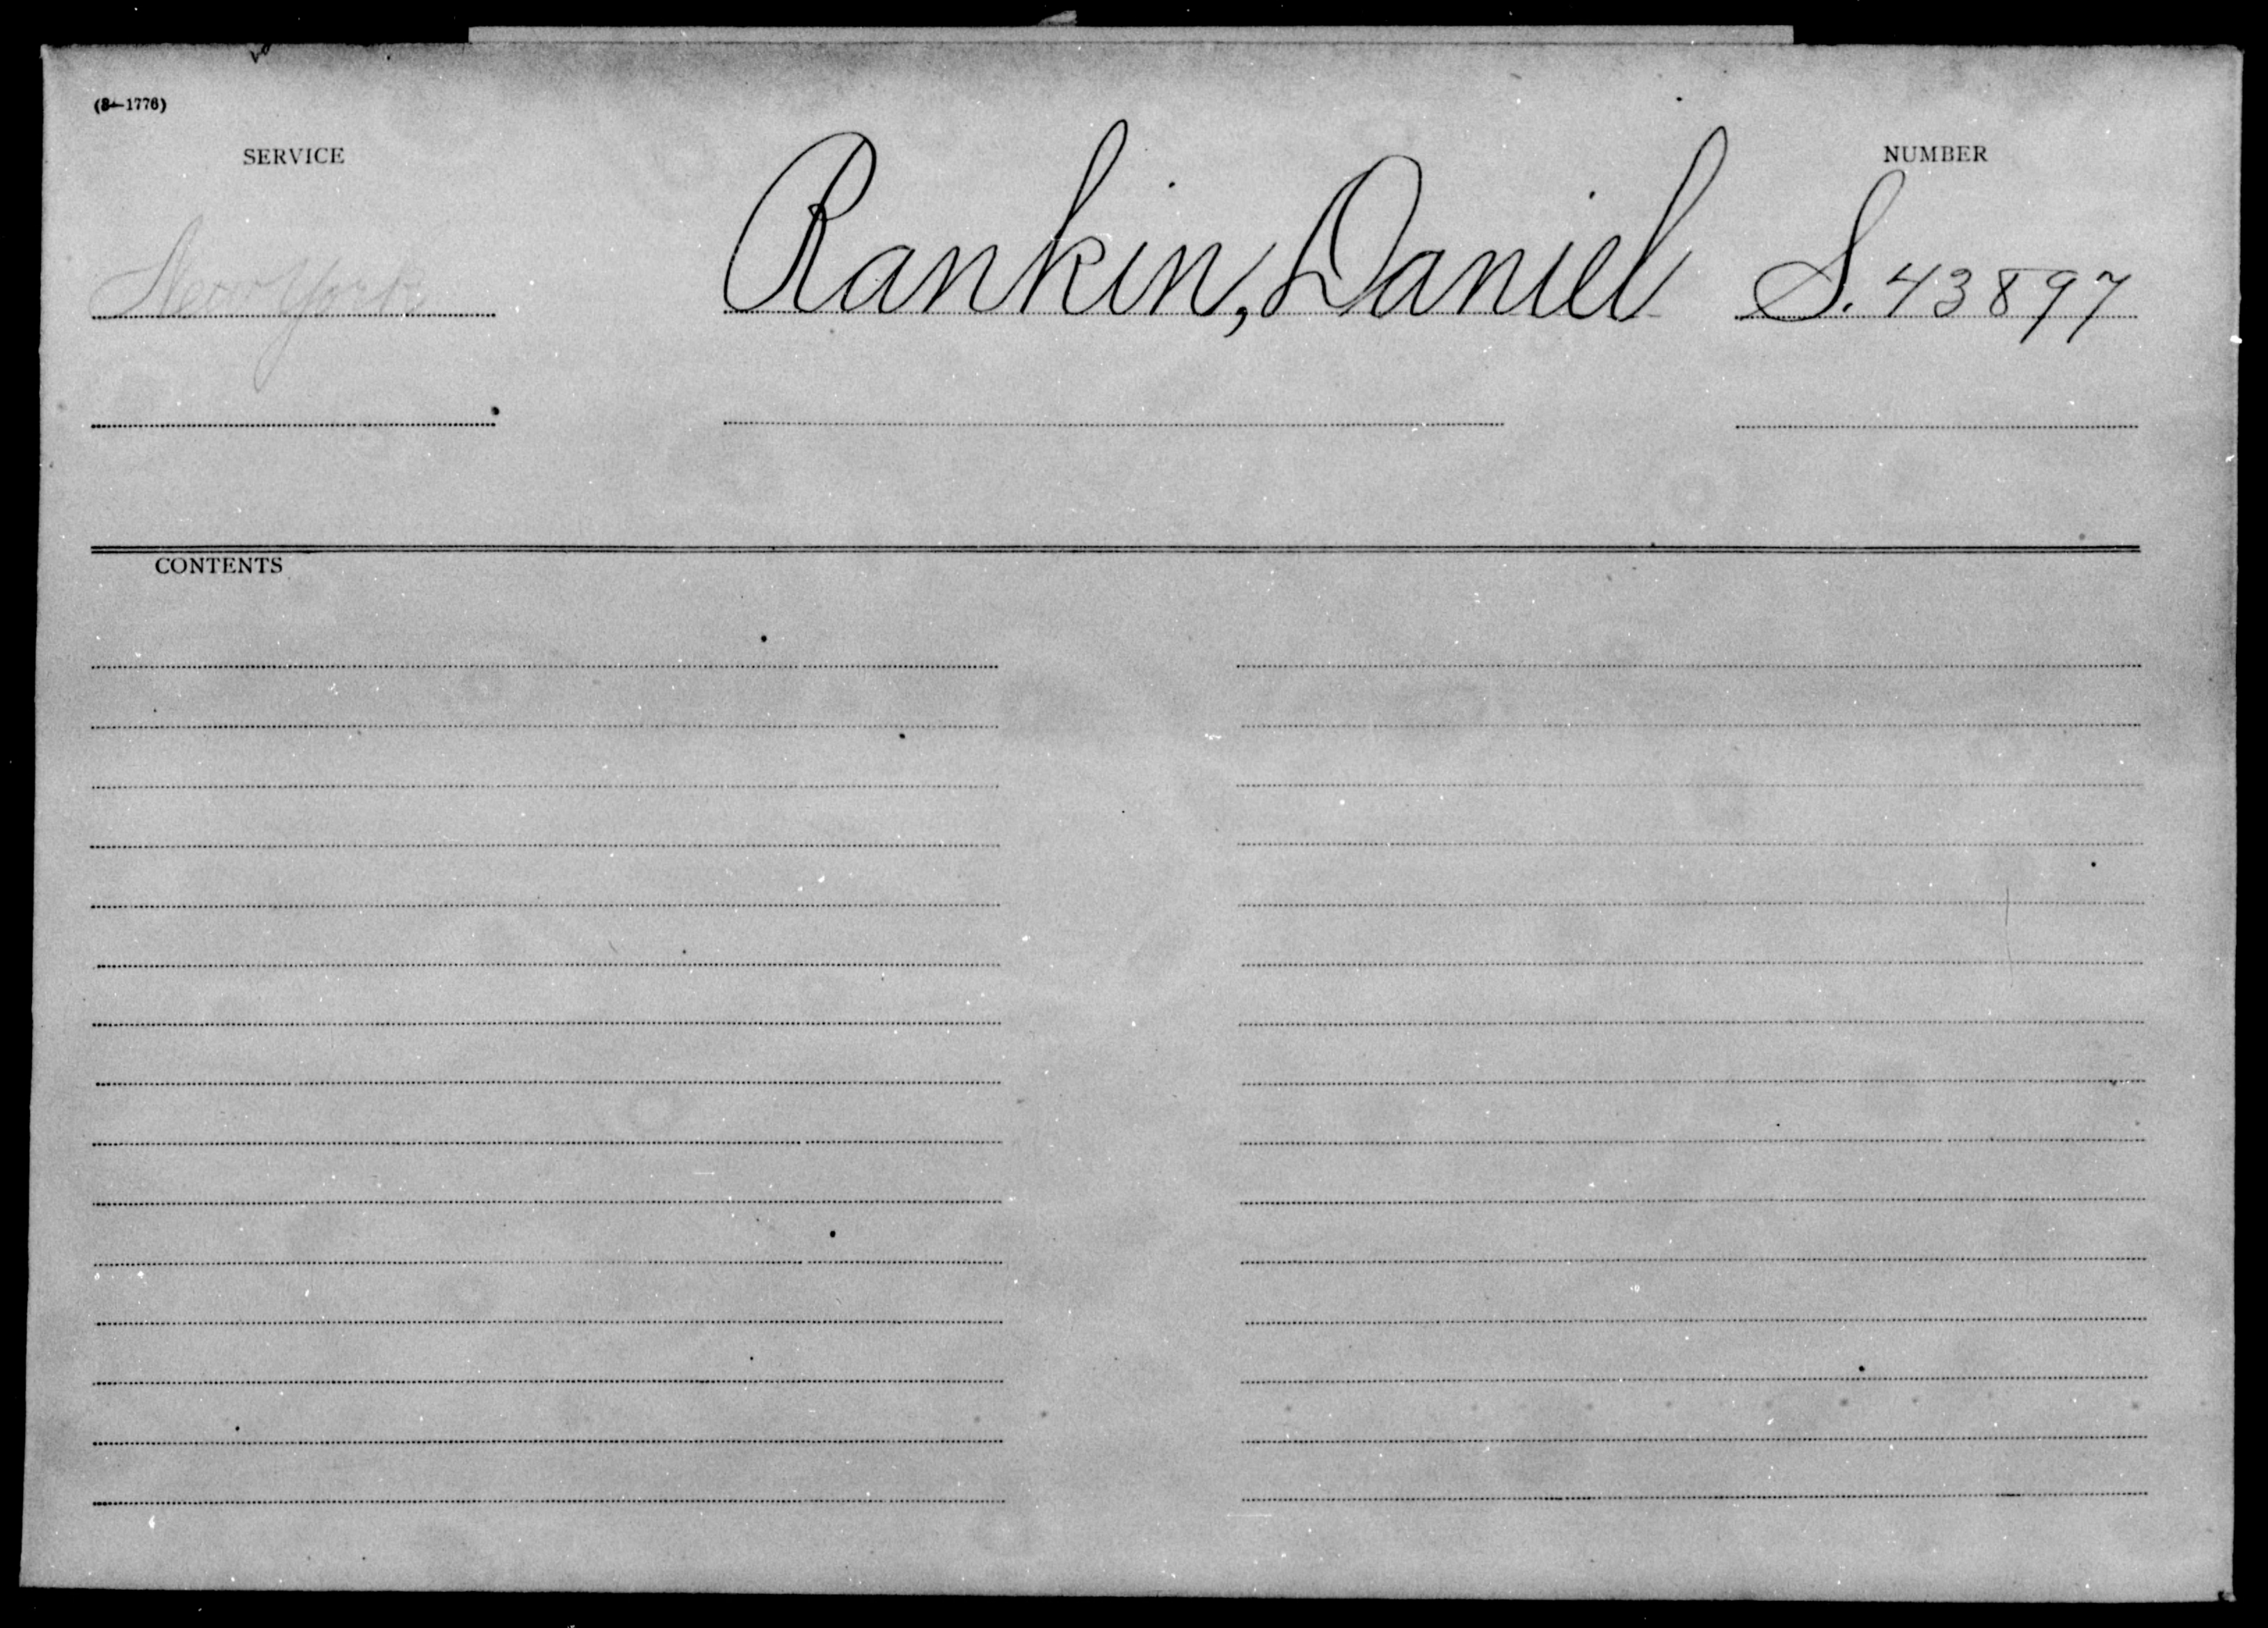(3-1776)

SERVICE
New York

Rankin, Daniel

NUMBER
S. 43897

CONTENTS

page: 1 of 27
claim: survivor's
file: S. 43897, for Daniel Rankin, New York